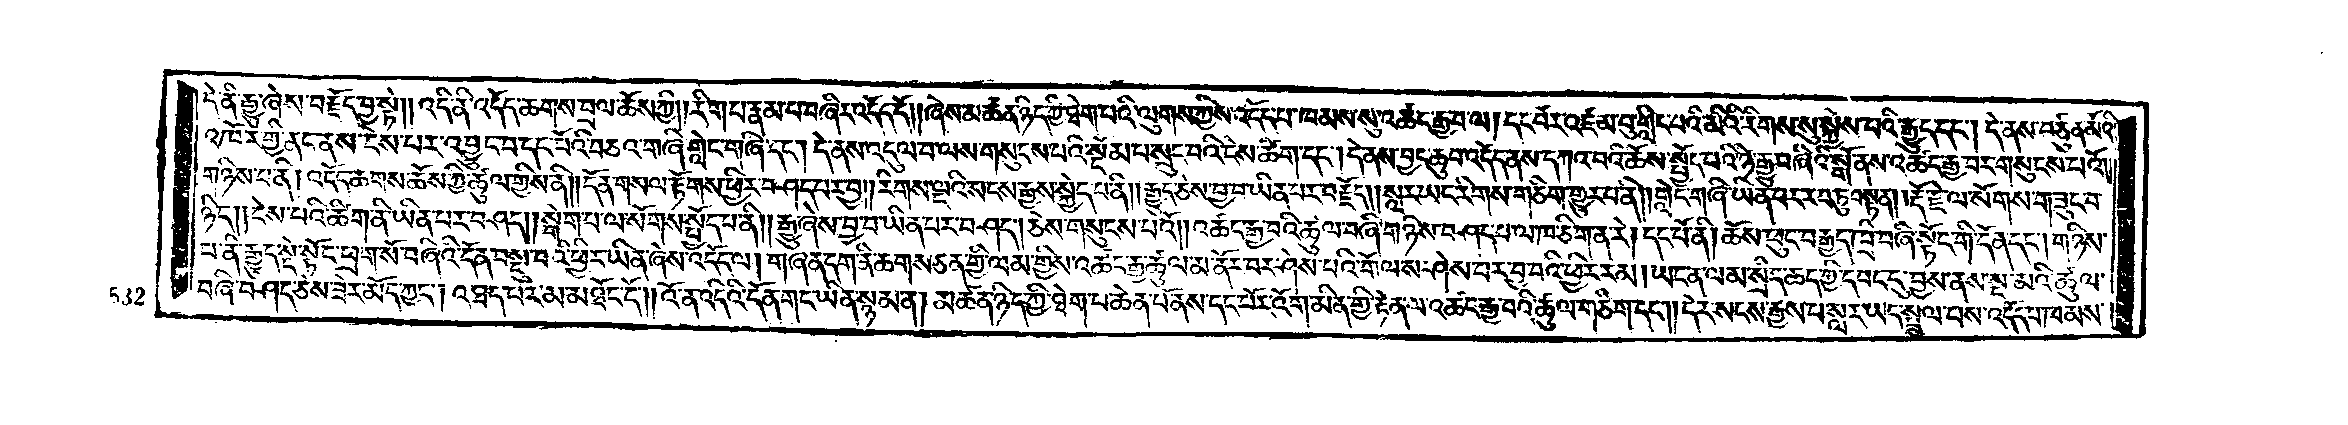དེ་ནི་རྒྱུ་ཞེས་བརྗོད་བྱ་སྟེ། །འདི་ནི་འདོད་ཆགས་བྲལ་ཆོས་ཀྱི། །རིག་པ་རྣམ་པ་བཞིར་འདོད་དོ། །ཞེས་མཚན་ཉིད་ཀྱི་ཐེག་པའི་ལུགས་ཀྱིས་འདོད་པ་ཁམས་སུ་འཚང་རྒྱ་བ་ལ། དང་པོར་འཛམ་བུ་གླིང་པའི་མིའི་རིགས་སུ་སྐྱེས་པའི་རྒྱུད་དང་། དེ་ནས་བཙུན་མོའི་
འཁོར་གྱི་ནང་ནས་ངེས་པར་འབྱུང་བ་དང་པོའི་བཅའ་གཞི་གླེང་གཞི་དང་། དེ་ནས་འདུལ་བ་ལས་གསུངས་པའི་སྡོམ་པ་སྲུང་བའི་ངེས་ཚིག་དང་། དེ་ནས་བྱང་ཆུབ་འདོད་ནས་དཀའ་བའི་ཆོས་སྤྱོད་པའི་ཉེ་རྒྱུ་བཞིའི་སྒོ་ནས་འཚང་རྒྱ་བར་གསུངས་པའོ། །
གཉིས་པ་ནི། འདོད་ཆགས་ཆོས་ཀྱི་ཚུལ་གྱིས་ནི། །དོན་གསལ་རྟོགས་ཕྱིར་བཤད་པར་བྱ། །རིགས་ལྔའི་སངས་རྒྱས་སྐྱེད་པ་ནི། །རྒྱུད་ཅེས་བྱ་བ་ཡིན་པར་བརྗོད། །སླར་ཡང་རིགས་གཅིག་གྱུར་པ་ནི། །གླེང་གཞི་ཡིན་པར་རབ་ཏུ་བསྟན། །རྡོ་རྗེ་ལ་སོགས་གཟུང་བ་
ཉིད། །ངེས་པའི་ཚིག་ནི་ཡིན་པར་བཤད། །སྒེག་པ་ལ་སོགས་སྤྱོད་པ་ནི། །རྒྱུ་ཞེས་བྱ་བ་ཡིན་པར་བཤད། ཅེས་གསུངས་པའོ། །འཚང་རྒྱ་བའི་ཚུལ་བཞི་གཉིས་བཤད་པ་ལ་ཁ་ཅིག་ན་རེ། དང་པོ་ནི། ཆོས་ཕུང་བརྒྱད་ཁྲི་བཞི་སྟོང་གི་དོན་དང་། གཉིས་
པ་ནི་རྒྱུད་སྡེ་སྟོང་ཕྲག་སོ་བཞིའི་དོན་བསྡུ་བའི་ཕྱིར་ཡིན་ཞེས་འདོད་ལ། གཞན་དག་ནི་ཆགས་ཅན་གྱི་ལམ་གྱིས་འཚང་རྒྱ་ཚུལ་མ་ནོར་བར་ཤེས་པའི་གོལ་ས་ཤེས་པར་བྱ་བའི་ཕྱིར་རམ། ཡང་ན་ལམ་སྲིད་ཆད་ཀྱི་དབང་དུ་བྱས་ནས་སྔ་མའི་ཚུལ་
བཞི་བཤད་ཅེས་ཟེར་མོད་ཀྱང་། འཐད་པར་མ་མཐོང་ངོ། །འོ་ན་འདིའི་དོན་གང་ཡིན་སྙམ་ན། མཚན་ཉིད་ཀྱི་ཐེག་པ་ཆེན་པོ་ནས་དང་པོར་འོག་མིན་གྱི་རྟེན་ལ་འཚང་རྒྱ་བའི་ཚུལ་གཅིག་དང་། །དེར་སངས་རྒྱས་པ་སླར་ཡང་སྤྲུལ་པས་འདོད་པ་ཁམས་